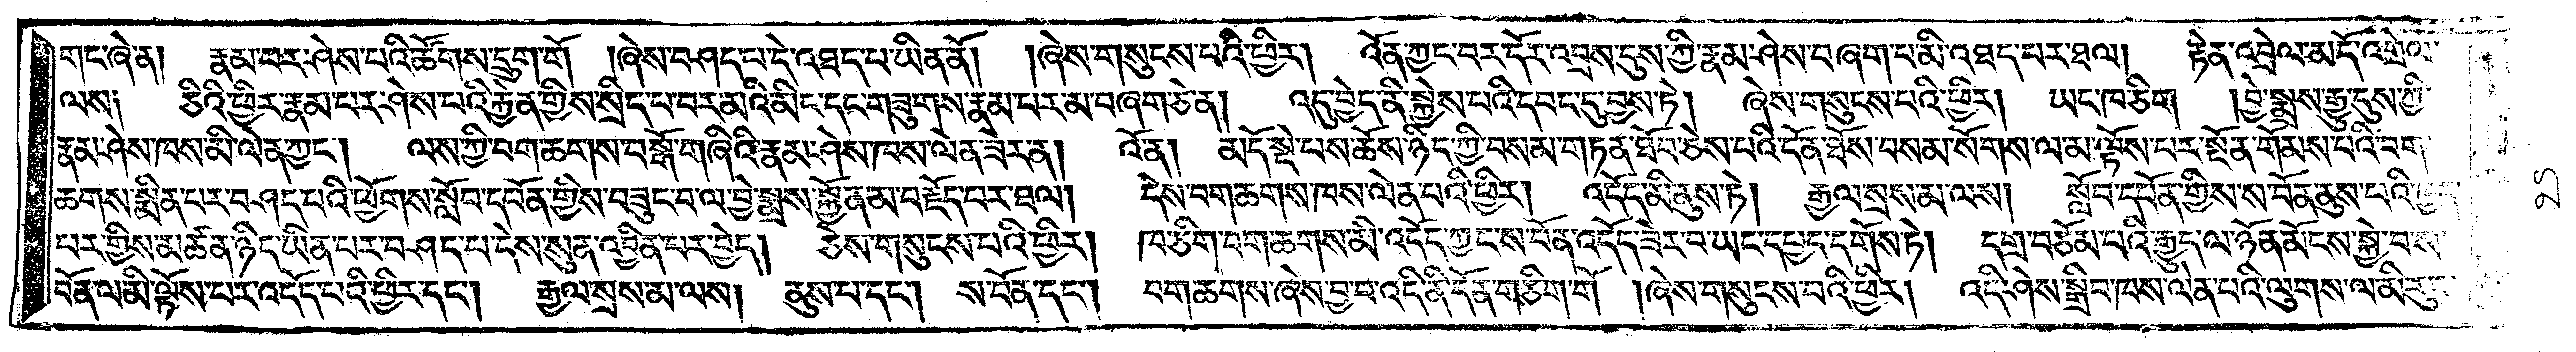གང་ཞེ་ན། རྣམ་པར་ཤེས་པའི་ཚོགས་དྲུག་གོ །ཞེས་བཤད་པ་དེ་འཐད་པ་ཡིན་ནོ། །ཞེས་གསུངས་བའི་ཕྱིར། འོན་ཀྱང་བར་དོར་འབྲས་དུས་ཀྱི་རྣམ་ཤེས་བཞག་པ་མི་འཐད་པར་ཐལ། རྟེན་བྲེལ་མདོ་འགྲེལ་
ལས༑ ཅིའི་ཕྱིར་རྣམ་པར་ཤེས་པའི་རྐྱེན་གྱིས་སྲིད་པ་བར་མའི་མིང་དང་གཟུགས་རྣམ་པར་མ་བཞག་ཅེ་ན། འདུ་བྱེད་ནི་སྐྱེས་པའི་དབང་དུ་བྱས་ཏེ། ཞེས་གསུངས་པའི་ཕྱིར། ཡང་ཁ་ཅིག །བྱེ་སྒྲས་རྒྱུ་དུས་ཀྱི་
རྣམ་ཤེས་ཁས་མི་ལེན་ཀྱང་། ལས་ཀྱི་བག་ཆགས་བསྒོ་གཞིའི་རྣམ་ཤེས་ཁས་ལེན་ཟེར་ན། འོ་ན། མདོ་སྡེ་པས་ཆོས་ཉིད་ཀྱི་བསམ་གཏན་ཐོབ་ཅེས་པའི་དོན་ཐོས་བསམ་སོགས་ལ་མ་ལྟོས་པར་སྔོན་གོམས་པའི་བག་
ཆགས་སྨིན་པར་བཤད་པའི་ཕྱོགས་སློབ་དབོན་གྱིས་བཟུང་བ་ལ་བྱེ་སྨྲས་སྐྱོན་མ་བརྗོད་པར་ཐལ། དེས་བག་ཆགས་ཁས་ལེན་བའི་ཕྱིར། འདོད་མི་ནུས་ཏེ། རྒྱལ་སྲས་མ་ལས། སློབ་དཔོན་གྱིས་ས་བོན་ནུས་པའི་ཁྱད་
པར་གྱིས་མཚན་ཉིད་ཡིན་པར་བཤད་པ་དེས་སུན་འབྱིན་པར་བྱེད། ཅེས་གསུངས་པའི་ཕྱིར། ཁ་ཅིག་བག་ཆགས་མི་འདོད་ཀྱང་ས་བོན་འདོད་ཟེར་བ་ཡང་དཔྱད་དགོས་ཏེ། དགྲ་བཅོམ་པའི་རྒྱུད་ལ་ཉོན་མོངས་སྐྱེ་བ་ས་
བོན་ལ་མི་ལྟོས་པར་འདོད་པའི་ཕྱིར་དང་། རྒྱལ་སྲས་མ་ལས། ནུས་པ་དང་། ས་བོན་དང་། བག་ཆགས་ཞེས་བྱ་བ་འདི་ནི་དོན་གཅིག་གོ །ཞེས་གསུངས་པའི་ཕྱིར། འདི་ཤེས་སྒྲིབ་ཁས་ལེན་པའི་ལུགས་ལ་མི་རུང་